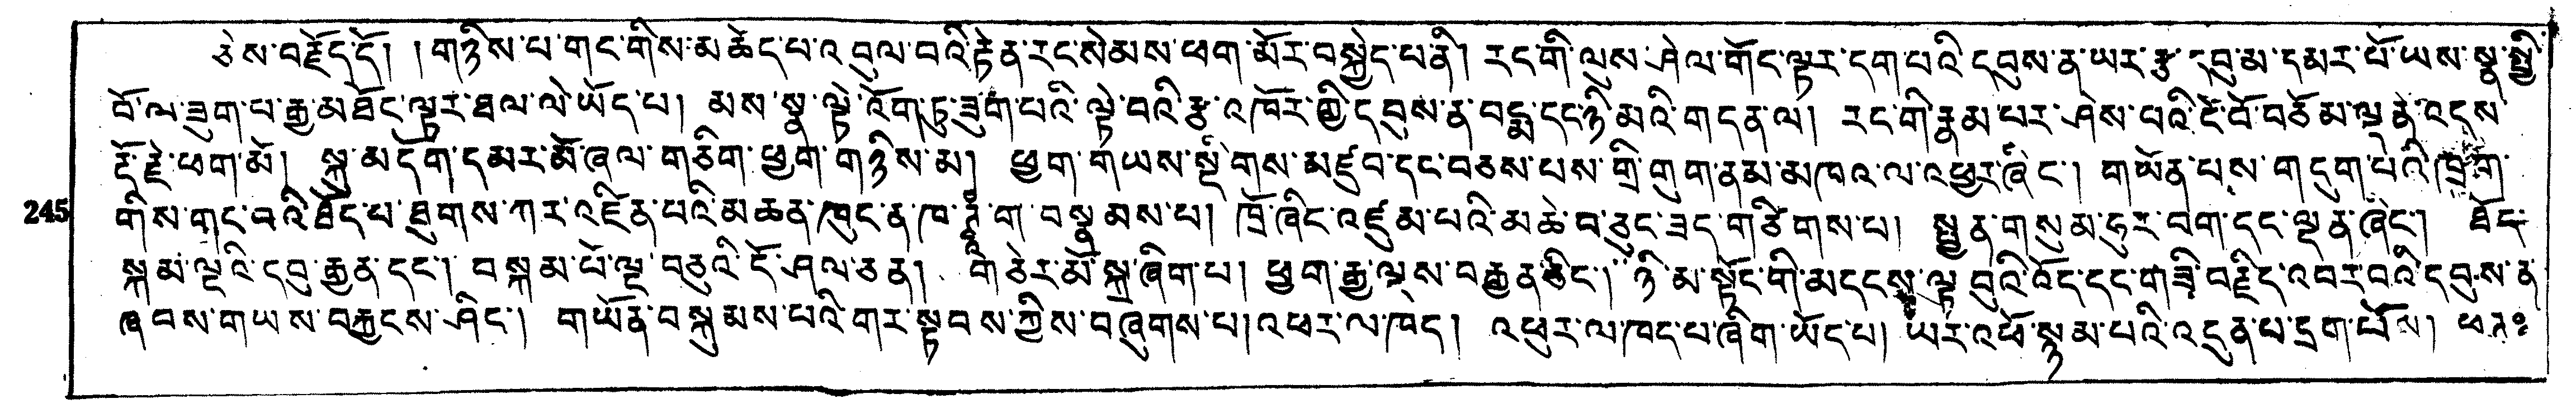ཅེས་བརྗོད་དོ། །གཉིས་པ་གང་གིས་མཆོད་པ་འབུལ་བའི་རྟེན་རང་སེམས་ཕག་མོར་བསྐྱེད་པ་ནི། རང་གི་ལུས་ཤེལ་གོང་ལྟར་དག་པའི་དབུས་ན་ཡར་རྩ་དབུ་མ་དམར་པོ་ཡས་སྣ་སྤྱི་
བོ་ལ་ཟུག་པ་རྒྱ་མཐོང་ལྟར་ཐལ་ལེ་ཡོད་པ། མས་སྣ་ལྟེ་འོག་ཏུ་ཟུག་པའི་ལྟེ་བའི་རྩ་འཁོར་གྱི་དབུས་ན་པདམ་དང་ཉི་མའི་གདན་ལ། རང་གི་རྣམ་པར་ཤེས་པའི་ངོ་བོ་བཅོམ་ལྡན་འདས་
རྡོ་རྗེ་ཕག་མོ། སྐུ་མདོག་དམར་མོ་ཞལ་གཅིག་ཕྱག་གཉིས་མ། ཕྱག་གཡས་སྡིགས་མཛུབ་དང་བཅས་པས་གྲི་གུག་ནམ་མཁའ་ལ་འཕྱར་ཞིང་། གཡོན་པས་གདུག་པའི་ཁྲག་
གིས་གང་བའི་ཐོད་པ་ཐུགས་ཀར་འཛིན་པའི་མཆན་ཁུང་ན་ཁ་ཊྭཱཾ་ག་བསྣམས་པ། ཁྲོ་ཞིང་འཛུམ་པའི་མཆེ་བ་ཅུང་ཟད་གཙིགས་པ། སྤྱན་གསུམ་ཧུར་བག་དང་ལྡན་ཞིང་། ཐོད་
སྐམ་ལྔའི་དབུ་རྒྱན་དང་། བསྐམ་པོ་ལྔ་བཅུའི་དོ་ཤལ་ཅན། གཅེར་མོ་སྐྲ་ཞིག་པ། ཕྱག་རྒྱ་ལྔས་བརྒྱན་ཅིང་། ཉི་མ་སྟོང་གི་མདངས་ལྟ་བུའི་འོད་དང་གཟི་བརྗིད་འབར་བའི་དབུས་ན་
ཞབས་གཡས་བརྐྱངས་ཤིང་། གཡོན་བསྐུམས་པའི་གར་སྟབས་ཀྱིས་བཞུགས་པ། འཕར་ལ་ཁད། འཕུར་ལ་ཁད་པ་ཞིག་ཡོད་པ། ཡར་འཕོ་སྙམ་པའི་འདུན་པ་དྲག་པོས། ཕཊཿ